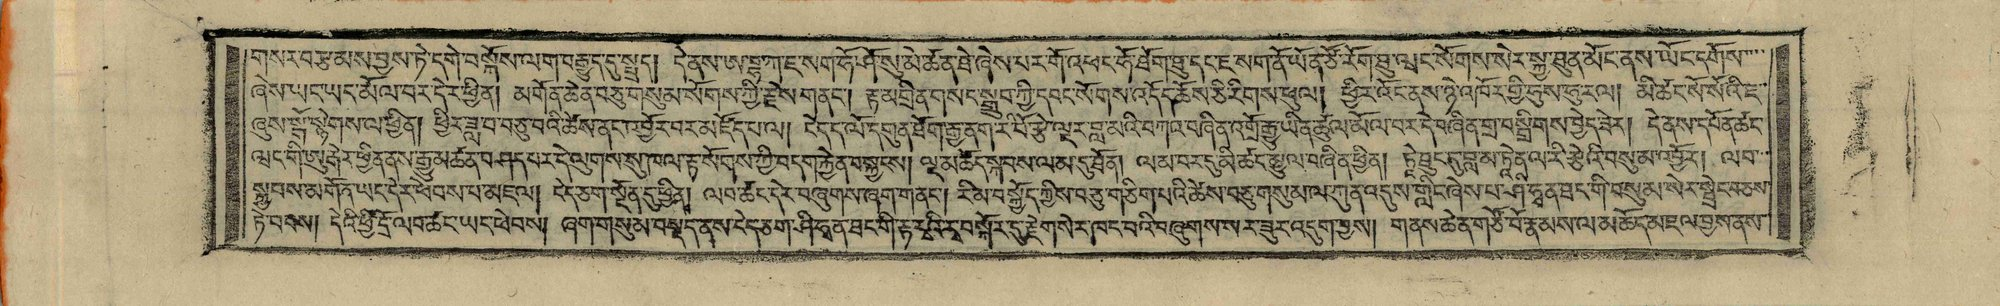གསར་བརྩམས་བྱས་ཏེ་དགེ་བསྐོས་ལག་བརྒྱུད་དུ་སྤྲད། དེ་ནས་ཨ་བྷ་ཀ་ཇ་སག་ཧོ་ཤོ་སུ་མེ་ཚན་ཐེ་ཞེས་པར་གོ་འཕང་ཧོ་ཐོག་ཐུ་དང་ཇ་སག་ནོ་ཡོན་ཙོ་རོག་ཐུ་ཝང་སོགས་སེར་སྐྱ་ཐུན་མོང་ནས་ཡོང་དགོས་
ཞེས་ཡང་ཡང་མོལ་བར་དེར་ཕྱིན། མགོན་ཆེན་བཅུ་གསུམ་སོགས་ཀྱི་རྗེས་གནང་། རྟ་མགྲིན་གསང་སྒྲུབ་ཀྱི་དབང་སོགས་འདོད་ཆོས་ཅི་རིགས་ཕུལ། ཕྱིར་འོང་ནས་ཉེ་འཁོར་གྱི་ཧུས་ཧུ་རལ། མི་ཚང་སོ་སོའི་ཇ་
ཞུས་སྒོ་སྙེགས་ལ་ཕྱིན། ཕྱིར་ཟླ་བ་བཅུ་པའི་ཚེས་ནང་འབྱོར་བར་མཛོད་པ་ལ། ངེད་ད་ལོ་དགུན་ཐོག་རྒྱ་ནག་རི་བོ་རྩེ་ལྔར་བླ་མའི་བཀའ་བཞིན་འགྲོ་རྒྱུ་ཡིན་ཚུལ་མོལ་བར་དེ་བཞིན་གྲ་བསྒྲིགས་བྱེད་ཟེར། དེ་ནས་དཔོན་ཚང་
ཝང་གི་ཨུ་རྒེར་ཕྱིན་ནས་རྒྱུ་མཚན་བཤད་པར་དེ་ལུགས་སུ་ཁལ་རྟ་སོགས་ཀྱི་བདག་རྐྱེན་བསྐྱངས། ལྔ་མཆོད་སྐབས་ལམ་དུ་ཐོན། ལམ་བར་དུ་མི་ཚང་མྱུལ་བཞིན་ཕྱིན། ཏE་ཐུང་དུ་བླ་མ་ཏEན་ལ་རི་རྩེའི་བསུ་མ་འབྱོར། ལབ་
སྐྱབས་མགོན་ཡང་དེར་ཕེབས་པ་མཇལ། ངེད་ཅག་སྔོན་དུ་ཕྱིན། ལབ་ཚང་དེར་བཞུགས་ཞག་གནང་། རིམ་བསྐྱོད་ཀྱིས་བཅུ་གཅིག་པའི་ཚེས་བཅུ་གསུམ་ལ་ཀུན་འདུས་གླིང་ཞེས་པ་ཤི་ཧྭན་ཐང་གི་བསུ་མ་སེར་སྦྲེང་བཅས་
ཏེ་བབས། དེའི་ཕྱི་དྲོ་ལབ་ཚང་ཡང་ཕེབས། ཞག་གསུམ་བསྡད་ནས་ངེད་ཅག་ཤི་ཧྭན་ཐང་གི་རྟ་རྭའི་རྭ་བསྐོར་དུ་རྗེ་གསེར་ཁང་བའི་བཞུགས་སར་ཟུར་འདུག་བྱས། གནས་ཆེན་གཙོ་བོ་རྣམས་ལ་མཆོད་མཇལ་བྱས་ནས་